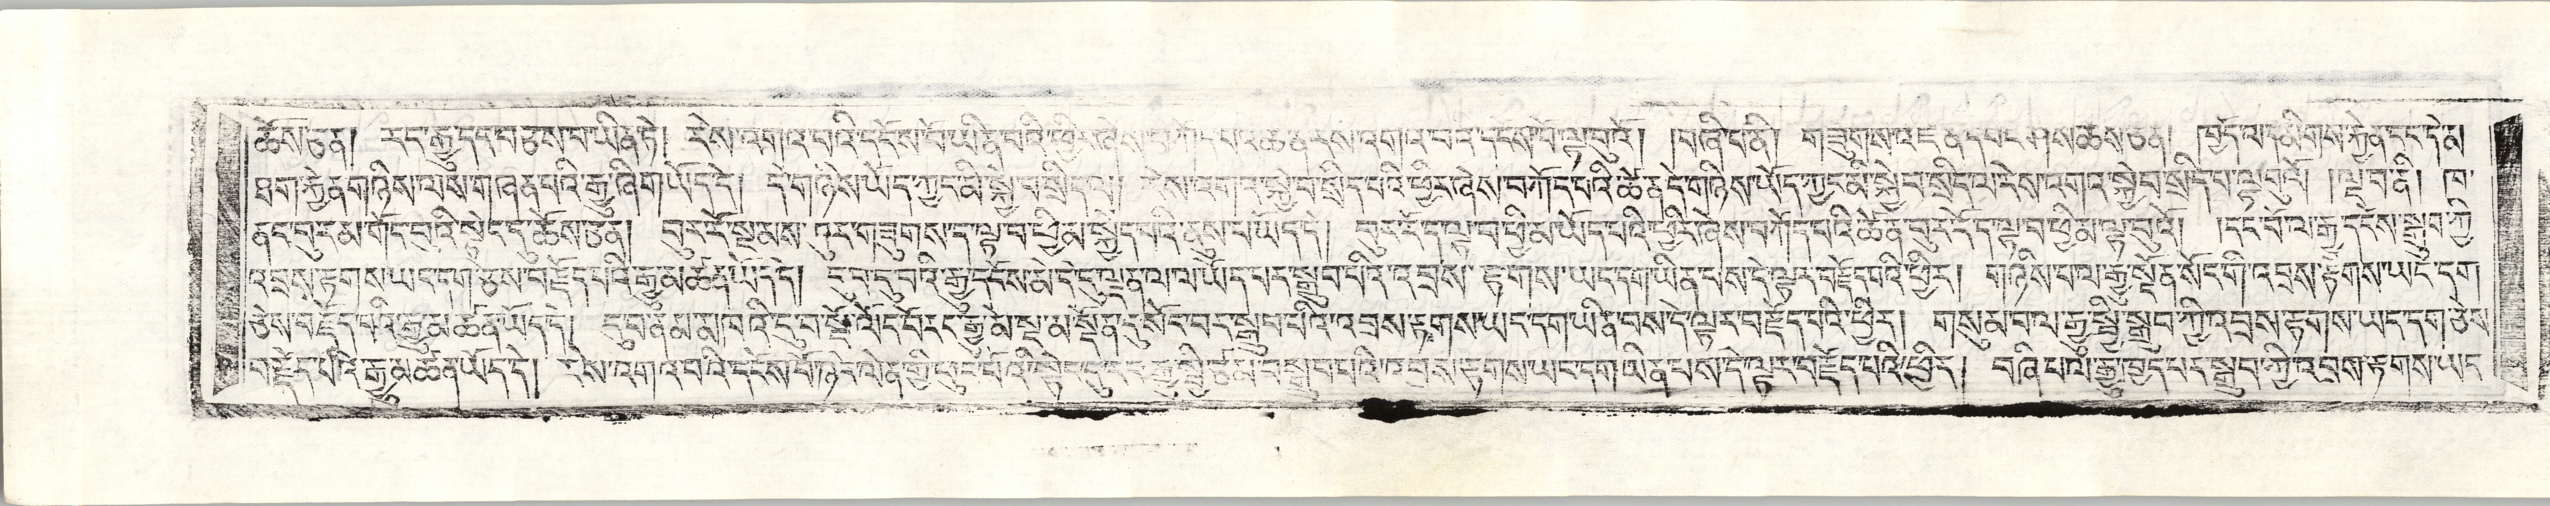ཆོས་ཅན། རང་རྒྱུ་དང་བཅས་པ་ཡིན་ཏེ། རེས་འགའ་བའི་དངོས་པོ་ཡིན་པའི་ཕྱིར་ཞེས་བཀོད་པའི་ཚེ་ན་རེས་འགའ་བའི་དངོས་པོ་ལྟ་བུའོ། །བཞི་པ་ནི། གཟུགས་འཛིན་དབང་ཤེས་ཆོས་ཅན། ཁྱོད་ལ་དམིགས་རྐྱེན་དང་དེ་མ་
ཐག་རྐྱེན་གཉིས་ལས་གཞན་པའི་རྒྱུ་ཞིག་ཡོད་དེ། དེ་གཉིས་ཡོད་ཀྱང་མི་སྐྱེ་བ་སྲིད་ལ། རེས་འགའ་སྐྱེ་བ་སྲིད་པའི་ཕྱིར་ཞེས་བཀོད་པའི་ཚེ་ན་དེ་གཉིས་ཡོད་ཀྱང་མི་སྐྱེ་བ་སྲིད་ལ་རེས་འགའ་སྐྱེ་བ་སྲིད་པ་ལྟ་བུའོ། །ལྔ་བ་ནི། ཁ་
ནང་བུ་རམ་གོང་བུའི་སྟེང་དུ་ཆོས་ཅན། བུར་རོ་སྔ་མས་བུར་གཟུགས་ད་ལྟ་བ་ཕྱི་མ་སྐྱེད་པའི་ནུས་པ་ཡོད་དེ། བུར་རོ་ད་ལྟ་བ་ཕྱི་མ་ཡོད་པའི་ཕྱིར་ཞེས་བཀོད་པའི་ཚེ་ན་བུར་རོ་ད་ལྟ་བ་ཕྱི་མ་ལྟ་བུའོ། །དང་པོ་ལ་རྒྱུ་དངོས་སྒྲུབ་ཀྱི་
འབྲས་རྟགས་ཡང་དག་ཅེས་བརྗོད་པའི་རྒྱུ་མཚན་ཡོད་དེ། དུ་བ་དུ་བའི་རྒྱུ་དངོས་མེ་དེ་དུ་ལྡན་ལ་ལ་ཡོད་པར་སྒྲུབ་པའི་འབྲས་རྟགས་ཡང་དག་ཡིན་པས་དེ་ལྟར་བརྗོད་པའི་ཕྱིར། གཉིས་པ་ལ་རྒྱུ་སྔོན་སོང་གི་འབྲས་རྟགས་ཡང་དག་
ཅེས་བརྗོད་པའི་རྒྱུ་མཚན་ཡོད་དེ། དུ་བ་ནམ་མཁའི་དུ་བ་སྔོ་ལོང་བོའི་རང་རྒྱུ་མེ་སྔ་མ་སྔོན་དུ་སོང་བར་སྒྲུབ་པའི་འབྲས་རྟགས་ཡང་དག་ཡིན་པས་དེ་ལྟར་བརྗོད་པའི་ཕྱིར། གསུམ་པ་ལ་རྒྱུ་སྤྱི་སྒྲུབ་ཀྱི་འབྲས་རྟགས་ཡང་དག་ཅེས་
བརྗོད་པའི་རྒྱུ་མཚན་ཡོད་དེ། རེས་འགའ་བའི་དངོས་པོ་ཉེར་ལེན་གྱི་ཕུང་པོའི་སྟེང་དུ་རང་རྒྱུ་སྤྱི་ཙམ་སྒྲུབ་པའི་འབྲས་རྟགས་ཡང་དག་ཡིན་པས་དེ་ལྟར་བརྗོད་པའི་ཕྱིར། བཞི་བ་ལ་རྒྱུ་ཁྱད་པར་སྒྲུབ་ཀྱི་འབྲས་རྟགས་ཡང་